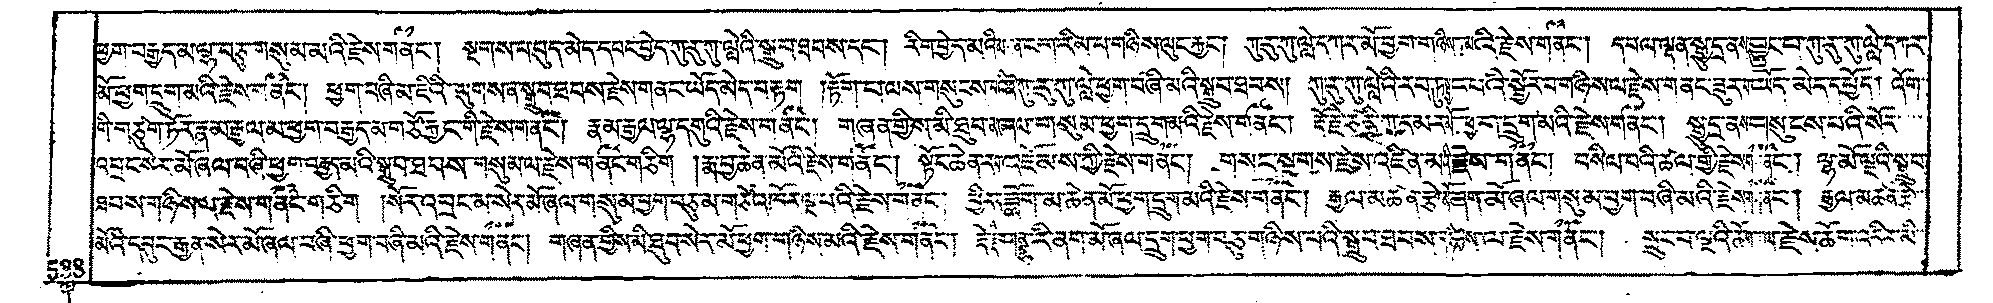ཕྱག་བརྒྱད་མ་ལྷ་བཅུ་གསུམ་མའི་རྗེས་གནང་། སྔགས་པ་བུད་མེད་དབང་བྱེད་ཀུ་རུ་ཀུ་ལླེའི་སྒྲུབ་ཐབས་དང་། རིག་བྱེད་མའི་མན་ངག་རིམ་པ་གཉིས་ལུང་རྐྱང་། ཀུ་རུ་ཀུ་ལླེ་དཀར་མོ་ཕྱག་གཉིས་མའི་རྗེས་གནང་། དཔལ་ལྡན་སྒྱུ་དྲ་ནས་བྱུང་བ་ཀུ་རུ་ཀུ་ལླེ་དཀར་
མོ་ཕྱག་དྲུག་མའི་རྗེས་གནང་། ཕྱག་བཞི་མ་ཇིའི་ལུགས་ན་སྒྲུབ་ཐབས་རྗེས་གནང་ཡོད་མེད་བརྟག །རྟོག་པ་ལས་གསུངས་པའི་ཀུ་རུ་ཀུ་ལླེ་ཕྱག་བཞི་མའི་སྒྲུབ་ཐབས། ཀུ་རུ་ཀུ་ལླེའི་རབ་ཏུ་སྦྱང་པའི་སྦྱོར་བ་གཉིས་ལ་རྗེས་གནང་ཟུར་བ་ཡོད་མེད་དཔྱོད། འོག་
གི་གཙུག་ཏོར་རྣམ་རྒྱལ་མ་ཕྱག་བརྒྱད་མ་གཙོ་རྐྱང་གི་རྗེས་གནང་། རྣམ་རྒྱལ་ལྷ་དགུའི་རྗེས་གནང་། གཞན་གྱིས་མི་ཐུབ་མ་ཞལ་གསུམ་ཕྱག་དྲུག་མའི་རྗེས་གནང་། རྡོ་རྗེ་ཙརྩི་ཀ་དམར་མོ་ཕྱག་དྲུག་མའི་རྗེས་གནང་། སྒྱུ་དྲ་ནས་གསུངས་པའི་སོར་
འབྲང་སེར་མོ་ཞལ་བཞི་ཕྱག་བརྒྱད་མའི་སྒྲུབ་ཐབས་གསུམ་ལ་རྗེས་གནང་གཅིག །རྨ་བྱ་ཆེན་མོའི་རྗེས་གནང་། སྟོང་ཆེན་རབ་འཇོམས་ཀྱི་རྗེས་གནང་། གསང་སྔགས་རྗེས་འཛིན་མའི་རྗེས་གནང་། བསིལ་བའི་ཚལ་གྱི་རྗེས་གནང་། ལྷ་མོ་ལྔའི་སྒྲུབ་
ཐབས་གཉིས་ལ་རྗེས་གནང་གཅིག །སོར་འབྲང་མ་སེར་མོ་ཞལ་གསུམ་ཕྱག་བཅུ་མ་གཙོ་འཁོར་ལྔ་པའི་རྗེས་གནང་། ཕྱིར་བཟློག་མ་ཆེན་མོ་ཕྱག་དྲུག་མའི་རྗེས་གནང་། རྒྱལ་མཚན་རྩེ་མོ་ནག་མོ་ཞལ་གསུམ་ཕྱག་བཞི་མའི་རྗེས་གནང་། རྒྱལ་མཚན་རྩེ་
མོའི་དཔུང་རྒྱན་སེར་མོ་ཞལ་བཞི་ཕྱག་བཞི་མའི་རྗེས་གནང་། གཞན་གྱིས་མི་ཐུབ་སེར་མོ་ཕྱག་གཉིས་མའི་རྗེས་གནང་། རྡོ་རྗེ་གནྡྷ་རི་ནག་མོ་ཞལ་དྲུག་ཕྱག་བཅུ་གཉིས་པའི་སྒྲུབ་ཐབས་གཉིས་ལ་རྗེས་གནང་། སྲུང་བ་ལྔའི་ཆོ་ག་ལ་རྗེས་ཆོ་ག་འདིར་མི་